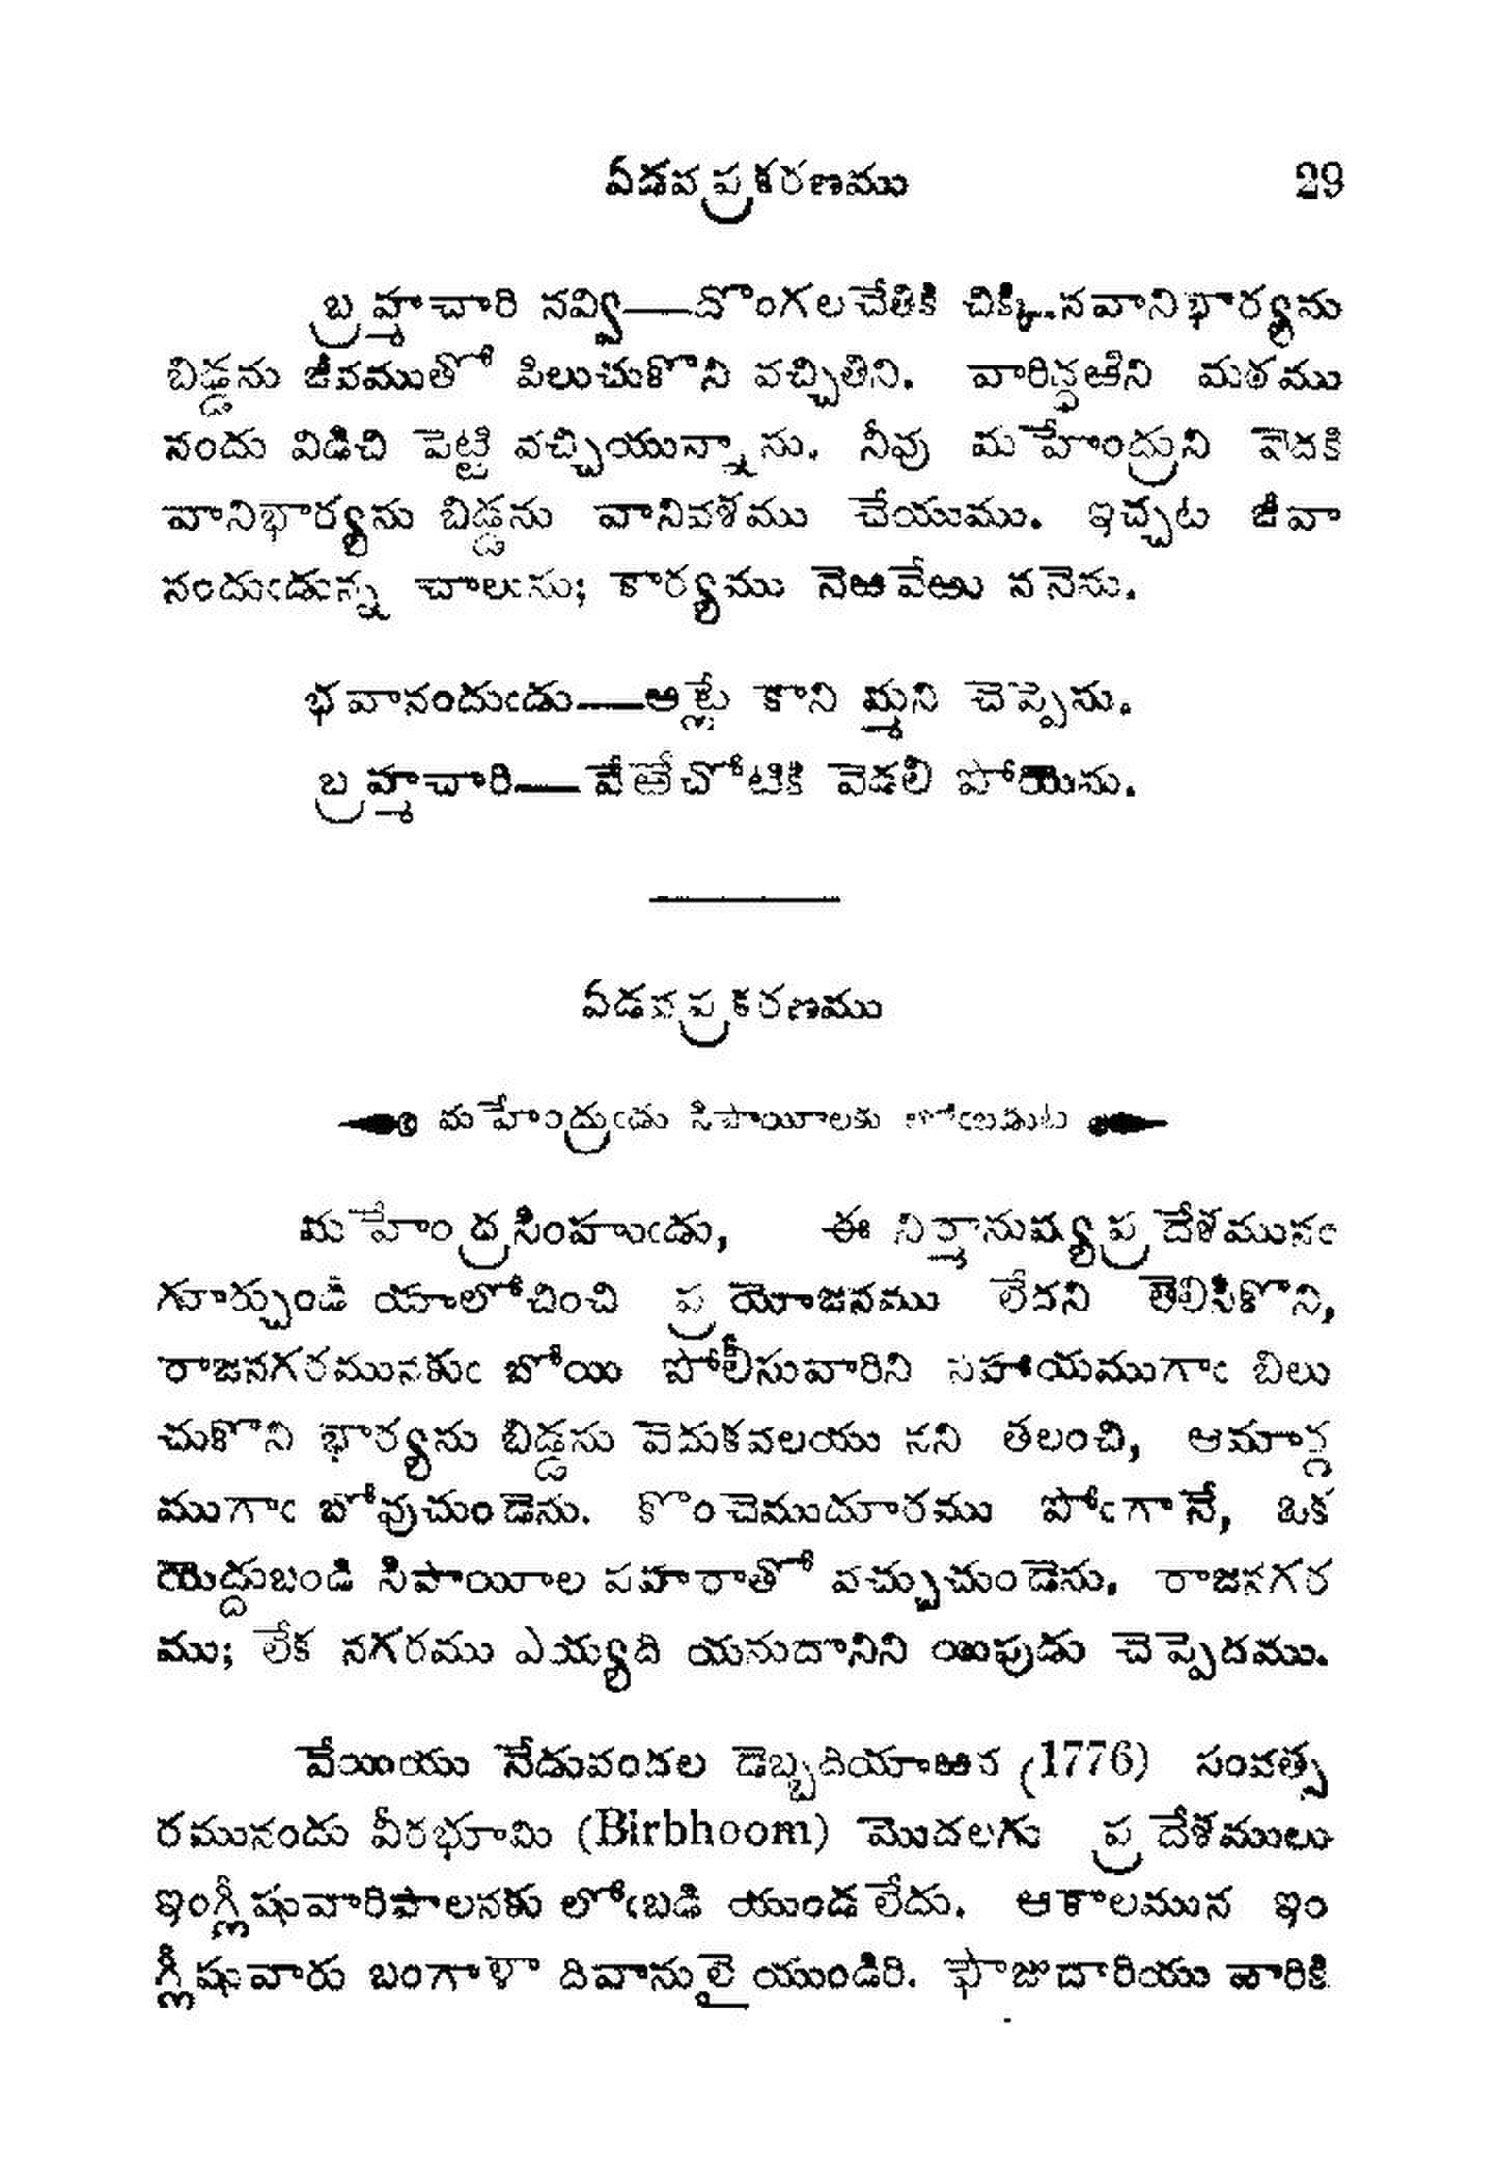బ్రహచారి నవ్వి—— దొంగల చేతికి చిక్కినవాని భార్యను బిడ్డను జీవముతో పిలుచుకొని వచ్చితిని. వారిద్దఱిని మఠము నందు విడిచి పెట్టి వచ్చియున్నాను. నీవు మహేంద్రుని వెదకి వానిభార్యను బిడ్డను వానివశము చేయుము. ఇచ్చట జీవానందుఁడున్న చాలును; కార్యము నెఱువేఱు ననెను.

భవానందుఁడు——అట్లే కొని మ్మని చెప్పెను.

బ్రహ్మచారి—— వేఱో చోటికి వెడలి పోయెను.

ఏడవ ప్రకరణము

మహేంద్రుఁడు సిపాయీలకు లోఁబడుట

మహేంద్రసింహుఁడు, ఈ నిర్మానుష్య ప్రదేశమునం గూర్చుండి యాలోచించి ప్రయోజనము లేదని తెలిసికొని, రాజనగరమునకుఁ బోయి పోలీసు వారిని సహాయముగాఁ బిలుచుకొని భార్యను బిడ్డను వెదుకవలయు నని తలంచి, ఆమార్గముగాఁ బోవుచుండెను. కొంచెము దూరము పోఁగానే, ఒక యెద్దుబండి సిపాయీల పహరాతో వచ్చుచుండెను. రాజనగరము; లేక నగరము ఎయ్యది యనుదానిని యిపుడు చెప్పెదము.

వేయుయు నేడువందల డెబ్బదియాఱవ (1776) సంవత్సరమునందు వీరభూమి (Birbhoom) మొదలగు ప్రదేశములు ఇంగ్లీషువారిపాలనకు లోఁబడి యుండలేదు. ఆకాలమున ఇంగ్లీషువారు బంగాళా దివానులై యుండిరి. ఫౌజు దారియు వారికి